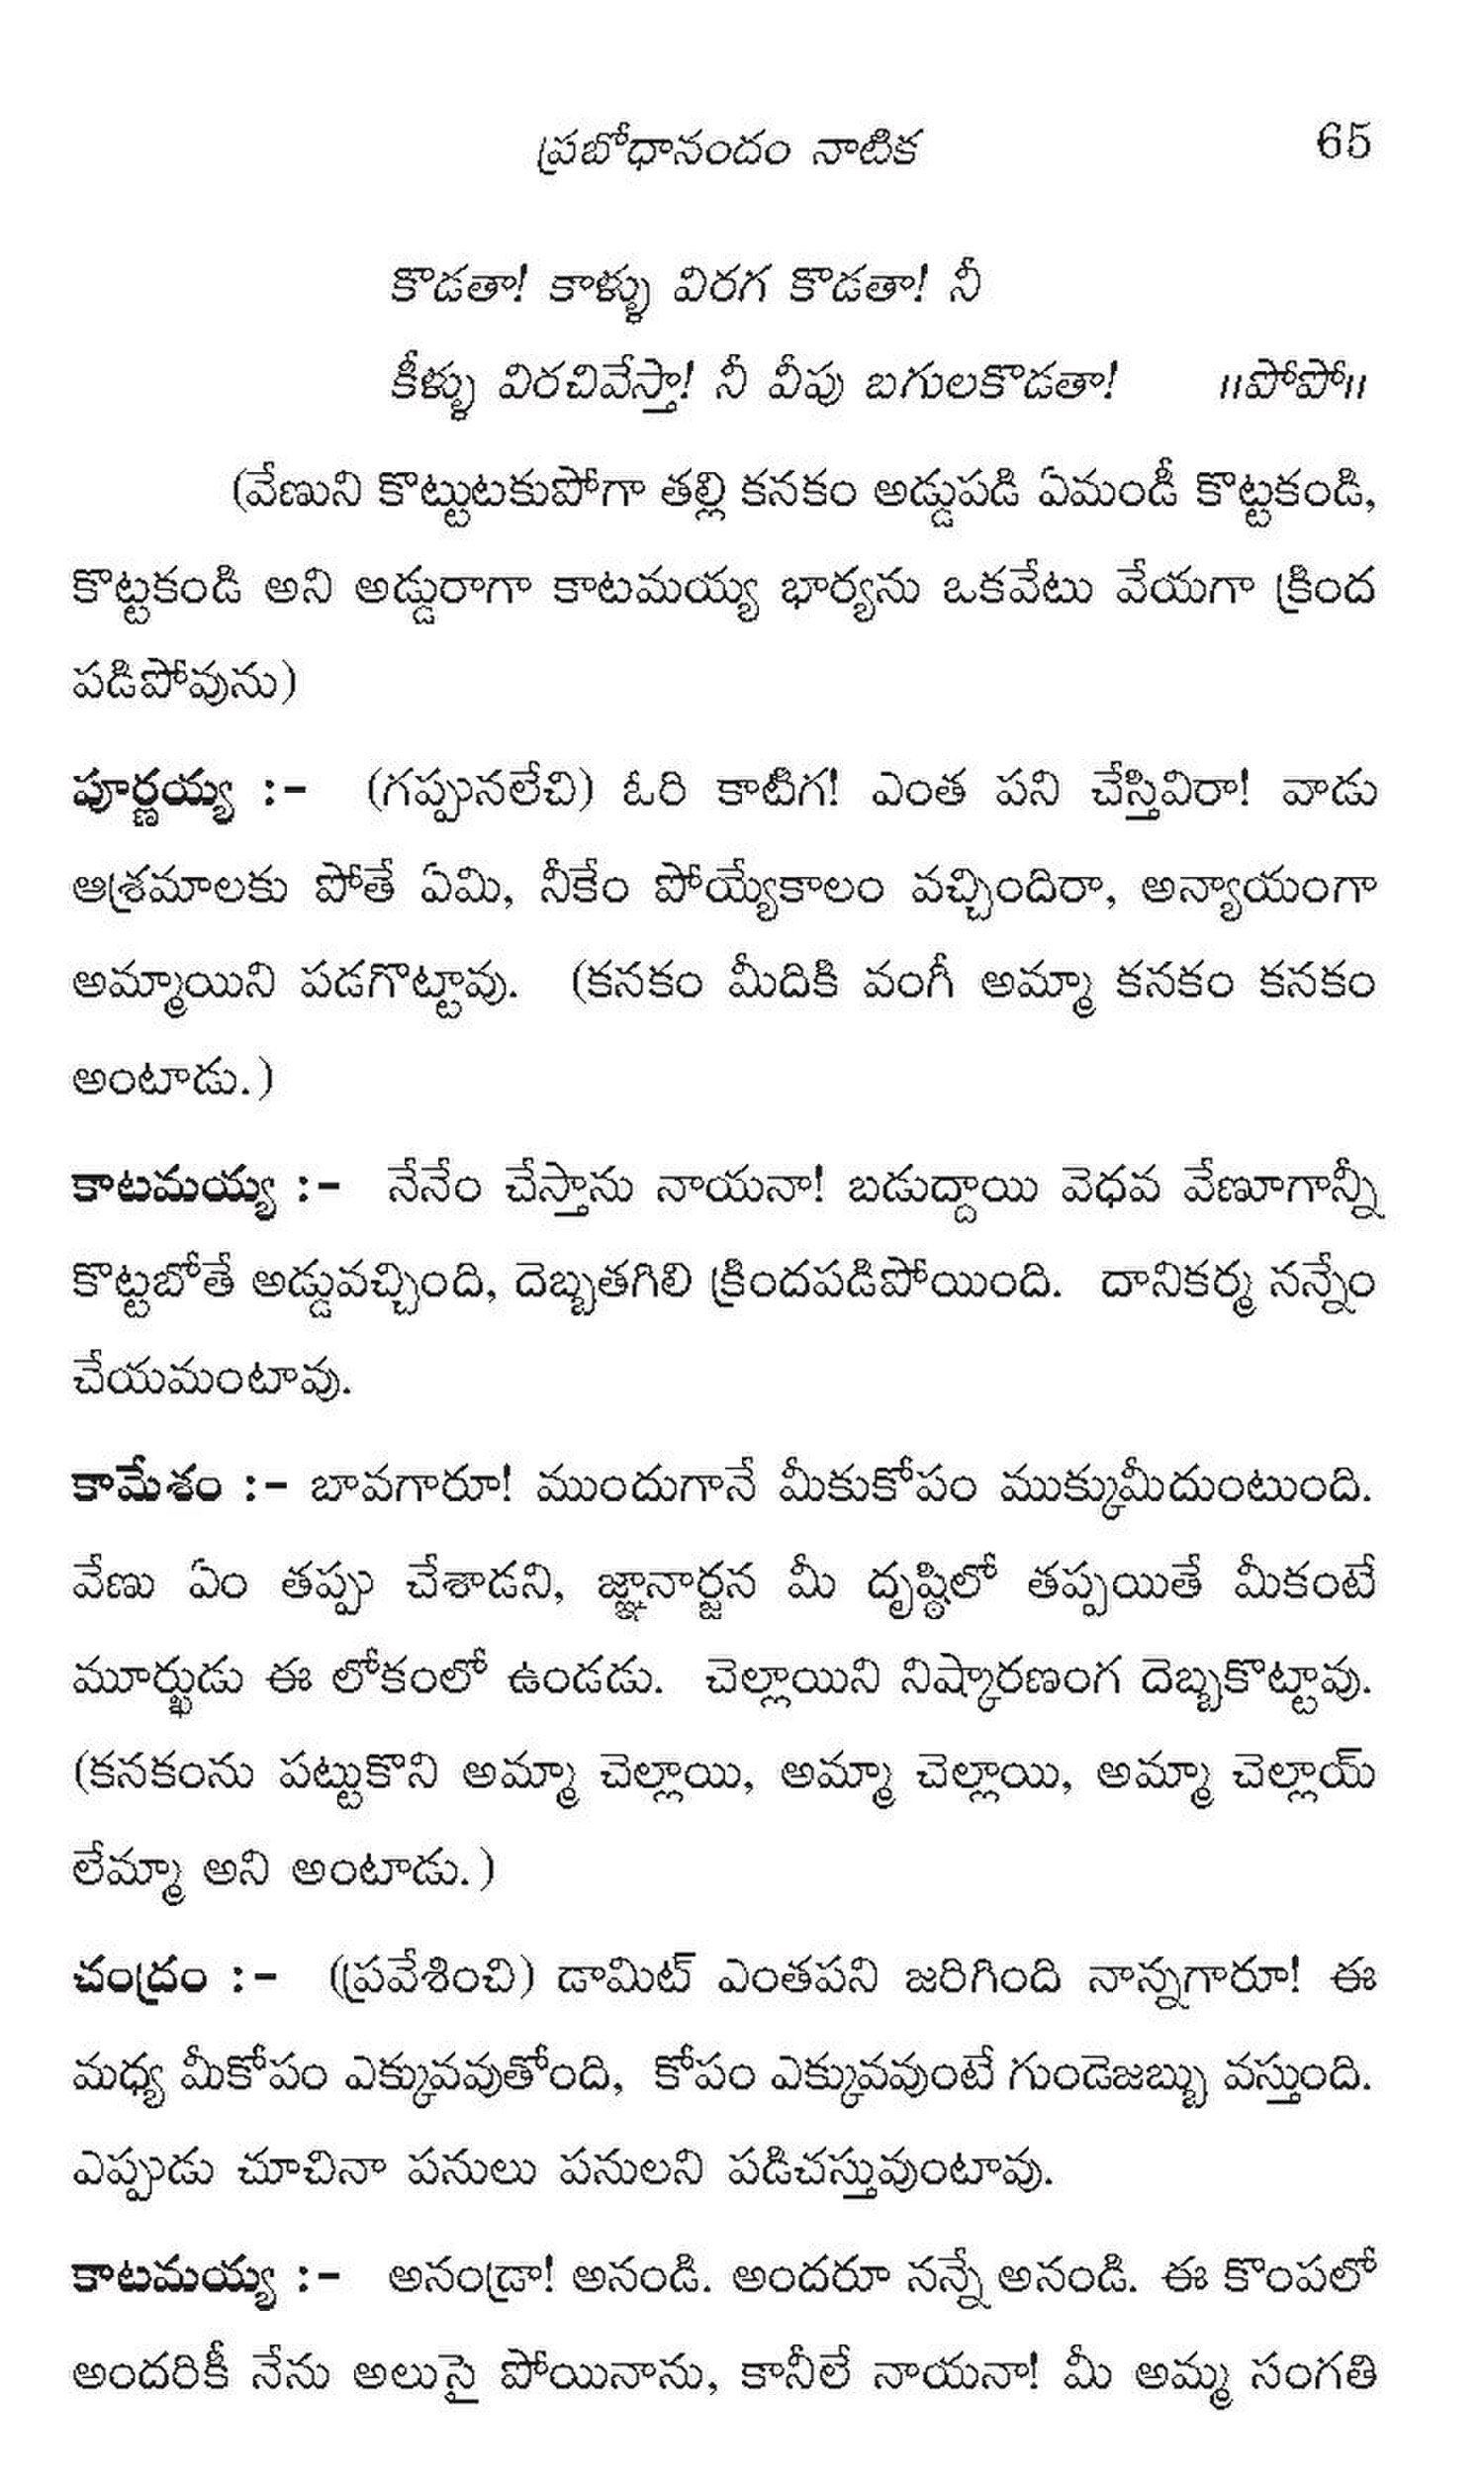(వేణుని కొట్టుటకుపోగా తల్లి కనకం అడ్డుపడి ఏమండీ కొట్టకండి, కొట్టకండి అని అడ్డురాగా కాటమయ్య భార్యను ఒకవేటు వేయగా క్రింద పడిపోవును)

పూర్ణయ్య :- (గప్పునలేచి) ఓరి కాటిగ! ఎంత పని చేస్తివిరా! వాడు ఆశ్రమాలకు పోతే ఏమి, నీకేం పోయ్యేకాలం వచ్చిందిరా, అన్యాయంగా అమ్మాయిని పడగొట్టావు. (కనకం మీదికి వంగీ అమ్మా కనకం కనకం అంటాడు.)

కాటమయ్య :-	నేనేం చేస్తాను నాయనా! బడుద్దాయి వెధవ వేణూగాన్నీ కొట్టబోతే అడ్డువచ్చింది, దెబ్బతగిలి క్రిందపడిపోయింది. దానికర్మ నన్నేం చేయమంటావు.

కామేశం :- బావగారూ! ముందుగానే మీకుకోపం ముక్కుమీదుంటుంది. వేణు ఏం తప్పు చేశాడని, జ్ఞానార్జన మీ దృష్ఠిలో తప్పయితే మీకంటే మూర్ఖుడు ఈ లోకంలో ఉండడు. చెల్లాయిని నిష్కారణంగ దెబ్బకొట్టావు.

(కనకంను పట్టుకొని అమ్మా చెల్లాయి, అమ్మా చెల్లాయి, అమ్మా చెల్లాయ్‌ లేమ్మా అని అంటాడు.)

చంద్రం :- (ప్రవేశించి) డామిట్‌ ఎంతపని జరిగింది నాన్నగారూ! ఈ మధ్య మీకోపం ఎక్కువవుతోంది, కోపం ఎక్కువవుంటే గుండెజబ్బు వస్తుంది. ఎప్పుడు చూచినా పనులు పనులని పడిచస్తువుంటావు.

కాటమయ్య :-అనండ్రా! అనండి. అందరూ నన్నే అనండి. ఈ కొంపలో అందరికీ నేను అలుసై పోయినాను, కానీలే నాయనా! మీ అమ్మ సంగతి